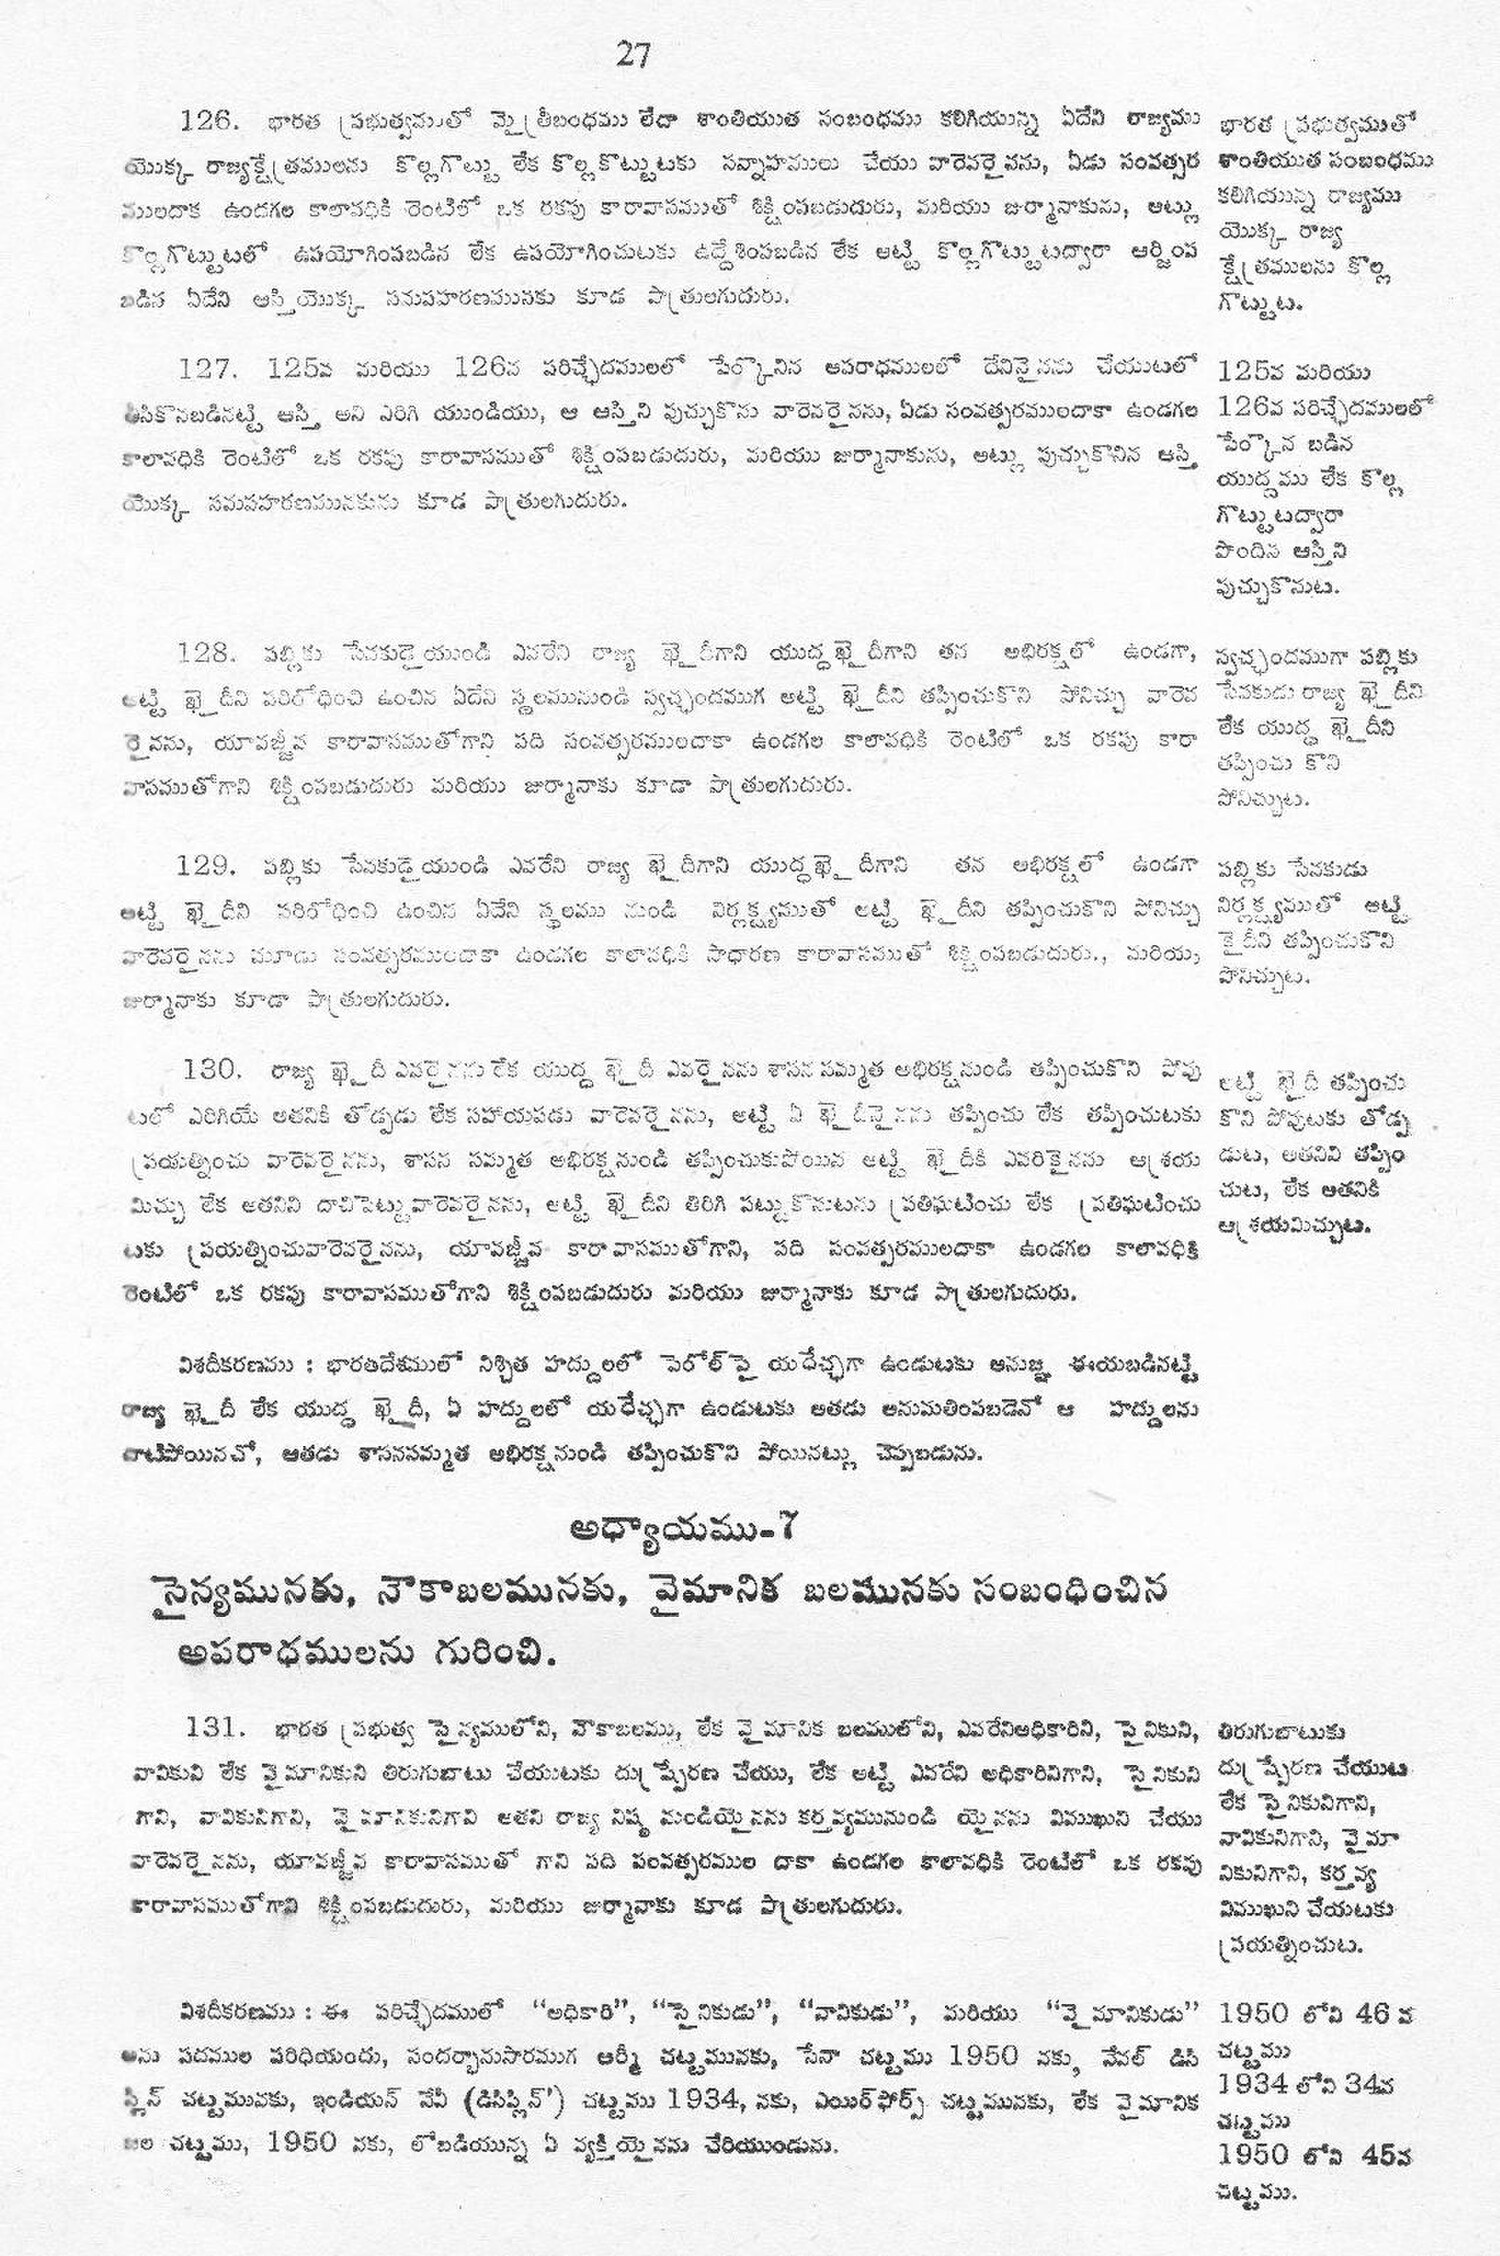భారతప్రభుత్వముతో శాంతియుత సంబంధము కలిగియున్న రాజ్యము యొక్క రాజ్యక్షేత్రములను కొల్లగొట్టుట.

126. భారత ప్రభుత్వముతో మైత్రీబంధము లేదా శాంతియుత సంబంధము కలిగియున్న ఏదేని రాజ్యము యొక్క రాజ్య క్షేత్రములను కొల్లగొట్టు లేక కొల్ల కొట్టుటకు సన్నాహములు చేయు వారెవరైనను, ఏడు సంవత్సరములదాక ఉండగల కాలావధికి రెంటిలో ఒక రకపు కారావాసముతో శిక్షింపబడుదురు, మరియు జుర్మానాకును, అట్లు కొల్ల గొట్టుటలో ఉపయోగింపబడిన లేక ఉపయోగించుటకు ఉద్దేశింపబడిన లేక అట్టి కొల్లగొట్టుటద్వారా ఆర్జింప బడిన ఏదేని ఆస్తి యొక్క సమపహరణమునకు కూడ పాత్రులగుదురు.

125వ మరియు 126వ పరిచ్ఛేదములలో పేర్కొన బడిన యుద్ధము లేక కొల్లగొట్టుటద్వారా పొందిన ఆస్తిని పుచ్చుకొనుట.

127. 125వ మరియు 126వ పరిచ్ఛేదములలో పేర్కొనిన అపరాధములలో దేనినైనను చేయుటలో తీసికొనబడినట్టి ఆస్తి అని ఎరిగి యుండియు, ఆ ఆస్తి ని పుచ్చుకొను వారెవరైనను, ఏడు సంవత్సరములదాకా ఉండగల కాలావధికి రెంటిలో ఒక రకపు కారావాసముతో శిక్షింపబడుదురు, మరియు జుర్మానాకును, అట్లు పుచ్చుకొనిన ఆస్తి యొక్క సమపహరణమునకును కూడ పాత్రులగుదురు.

స్వచ్ఛందముగా పబ్లికుసేవకుడు రాజ్య ఖైదీని లేక యుద్ధఖైదీనితప్పించు కొని పోనిచ్చుట.

128. పబ్లికు సేవకుడై యుండి ఎనలేని రాజ్య ఖైదీగాని యుద్ధఖైదీగాని తన అభిరక్షలో ఉండగా, అట్టి ఖైదీని పరిశోధించి ఉంచిన ఏదేని స్థలము నుండి స్వచ్ఛందముగ అట్టి ఖైదీని తప్పించుకొని పోనిచ్చు వారెవరైనను, యావజ్జీవ కారావాసముతో గాని పది సంవత్సరములదాకా ఉండగల కాలావధికి రెంటిలో ఒక రకపు కారావాసముతో గాని శిక్షింపబడుదురు మరియు జుర్మానాకు కూడా పాత్రులగుదురు.

పబ్లికుసేవకుడు నిర్లక్ష్యముతో అట్టి ఖైదీని తప్పించుకొని పొనిచ్చుట.

129. పబ్లికు సేవకుడై యుండి ఎవరేని రాజ్య ఖైదీగాని యుద్ధ ఖైదీగాని తన అభిరక్షలో ఉండగా అట్టి ఖైదీని పరిశోధించి ఉంచిన ఏవేని స్థలము నుండి నిర్లక్ష్యముతో అట్టి ఖైదీని తప్పించుకొని పోనిచ్చు వారెవరై నను మూడు సంవత్సరముల దాకా ఉండగల కాలావధికి సాధారణ కారావాసముతో శిక్షింపబడుదురు, మరియు, జుర్మానాకు కూడా పాత్రులగుదురు.

అట్టి ఖైదీ తప్పించుకొని పోవుటకు తోడ్పడుట, అతనిని తప్పించుట, లేక అతనికి ఆశ్రయమిచ్చుట.

130. రాజ్య ఖైదీ ఎవరైనను లేక యుద్ధ ఖైదీ ఎవరైనను శాసన సమ్మత అభిరక్ష నుండి తప్పించుకొని పోవుటలో ఎరిగియే అతనికి తోడ్పడు లేక సహాయపడు వారెవరైనను, అట్టి ఏ ఖైదీనైనను తప్పించు లేక తప్పించుటకు ప్రయత్నించు వారెవరైనను, శాసన సమ్మత అభిరక్ష నుండి తప్పించుకు పోయిన అట్టి ఖైదీకి ఎవరికైనను ఆశ్రయమిచ్చు లేక ఆతనిని దాచి పెట్టు వారెవరైనను, అట్టి ఖైదీని తిరిగి పట్టు కొనుటను ప్రతిఘటించు లేక ప్రతిఘటించుటకు ప్రయత్నించు వారెవరైనను, యావజ్జీవ కారావాసముతో గాని, పది సంవత్సరములదాకా ఉండగల కాలావధికి రెంటిలో ఒక రకపు కారావాసముతోగాని శిక్షింపబడుదురు మరియు జూర్మానాకు కూడ పాత్రులగుదురు,

విశదీకరణము : భారతదేశములో నిశ్చిత హద్దులలో పెరోల్ పై యధేచ్ఛగా ఉండుటకు అనుజ్జ ఈయబడినట్టి రాజ్య ఖైదీ లేక యుద్ధ ఖైదీ, ఏ హద్దులలో యధేచ్ఛగా ఉండుటకు అతడు అనుమతింపబడెనో ఆ హద్దులను దాటిపోయినచో, అతడు శాసనసమ్మత అభిరక్ష నుండి తప్పించుకొని పోయినట్లు చెప్పబడును.

తిరుగుబాటుకు దుష్ప్రేరణ చేయుట లేక 'సైనికునిగాని,నావికునిగాని, వైమానికునిగాని, కర్తవ్య విముఖుని చేయటకు ప్రయత్నించుట.

131. భారత ప్రభుత్వ సైన్యములోని, నౌకాజలము, లేక వైమానిక బలములోని, ఎవరేని అధికారిని, సైనికుని, నావికుని లేక వైమానికుని తిరుగుబాటు చేయుటకు దుష్ప్రేరణ చేయు, లేక అట్టి ఎవరేని అధికారినిగాని, సైనికుని గాని, నావికునిగాని, వైమానికునిగాని అతని రాజ్య నిష్ట నుండియైనను కర్తవ్యమునుండి యైనను విముఖుని చేయు వారెవరైనను, యావజ్జీవ కారావాసముతో గాని పది సంవత్సరముల దాకా ఉండగల కాలావధికి రెంటిలో ఒక రకపు కారావాసముతో గాని శిక్షింపబడుదురు, మరియు జుర్మావాకు కూడ పాత్రులగుదురు,

1950 లోని 46వ చట్టము1934లోని 34వ చట్టము 1950 లోని 45వ చట్టము.

విశదీకరణము : ఈ పరిచ్ఛేదములో “అధికారి", "సైనికుడు”, “నావికుడు", మరియు "వైమానికుడు” అను పదముల పరిధియందు, సందర్భానుసారముగ ఆర్మీ చట్టమునకు, సేనా చట్టము 1950 నకు, నేవల్ డిసిప్లిన్ చట్టమునకు, ఇండియన్ నేవీ (డిసిప్లిన్') చట్టము 1934, నకు, ఎయిర్ ఫోర్స్. చట్టమునకు, లేక వైమానిక జల చట్టము, 1950 నకు, లోబడియున్న ఏ వ్యక్తియైనను చేరియుండును,